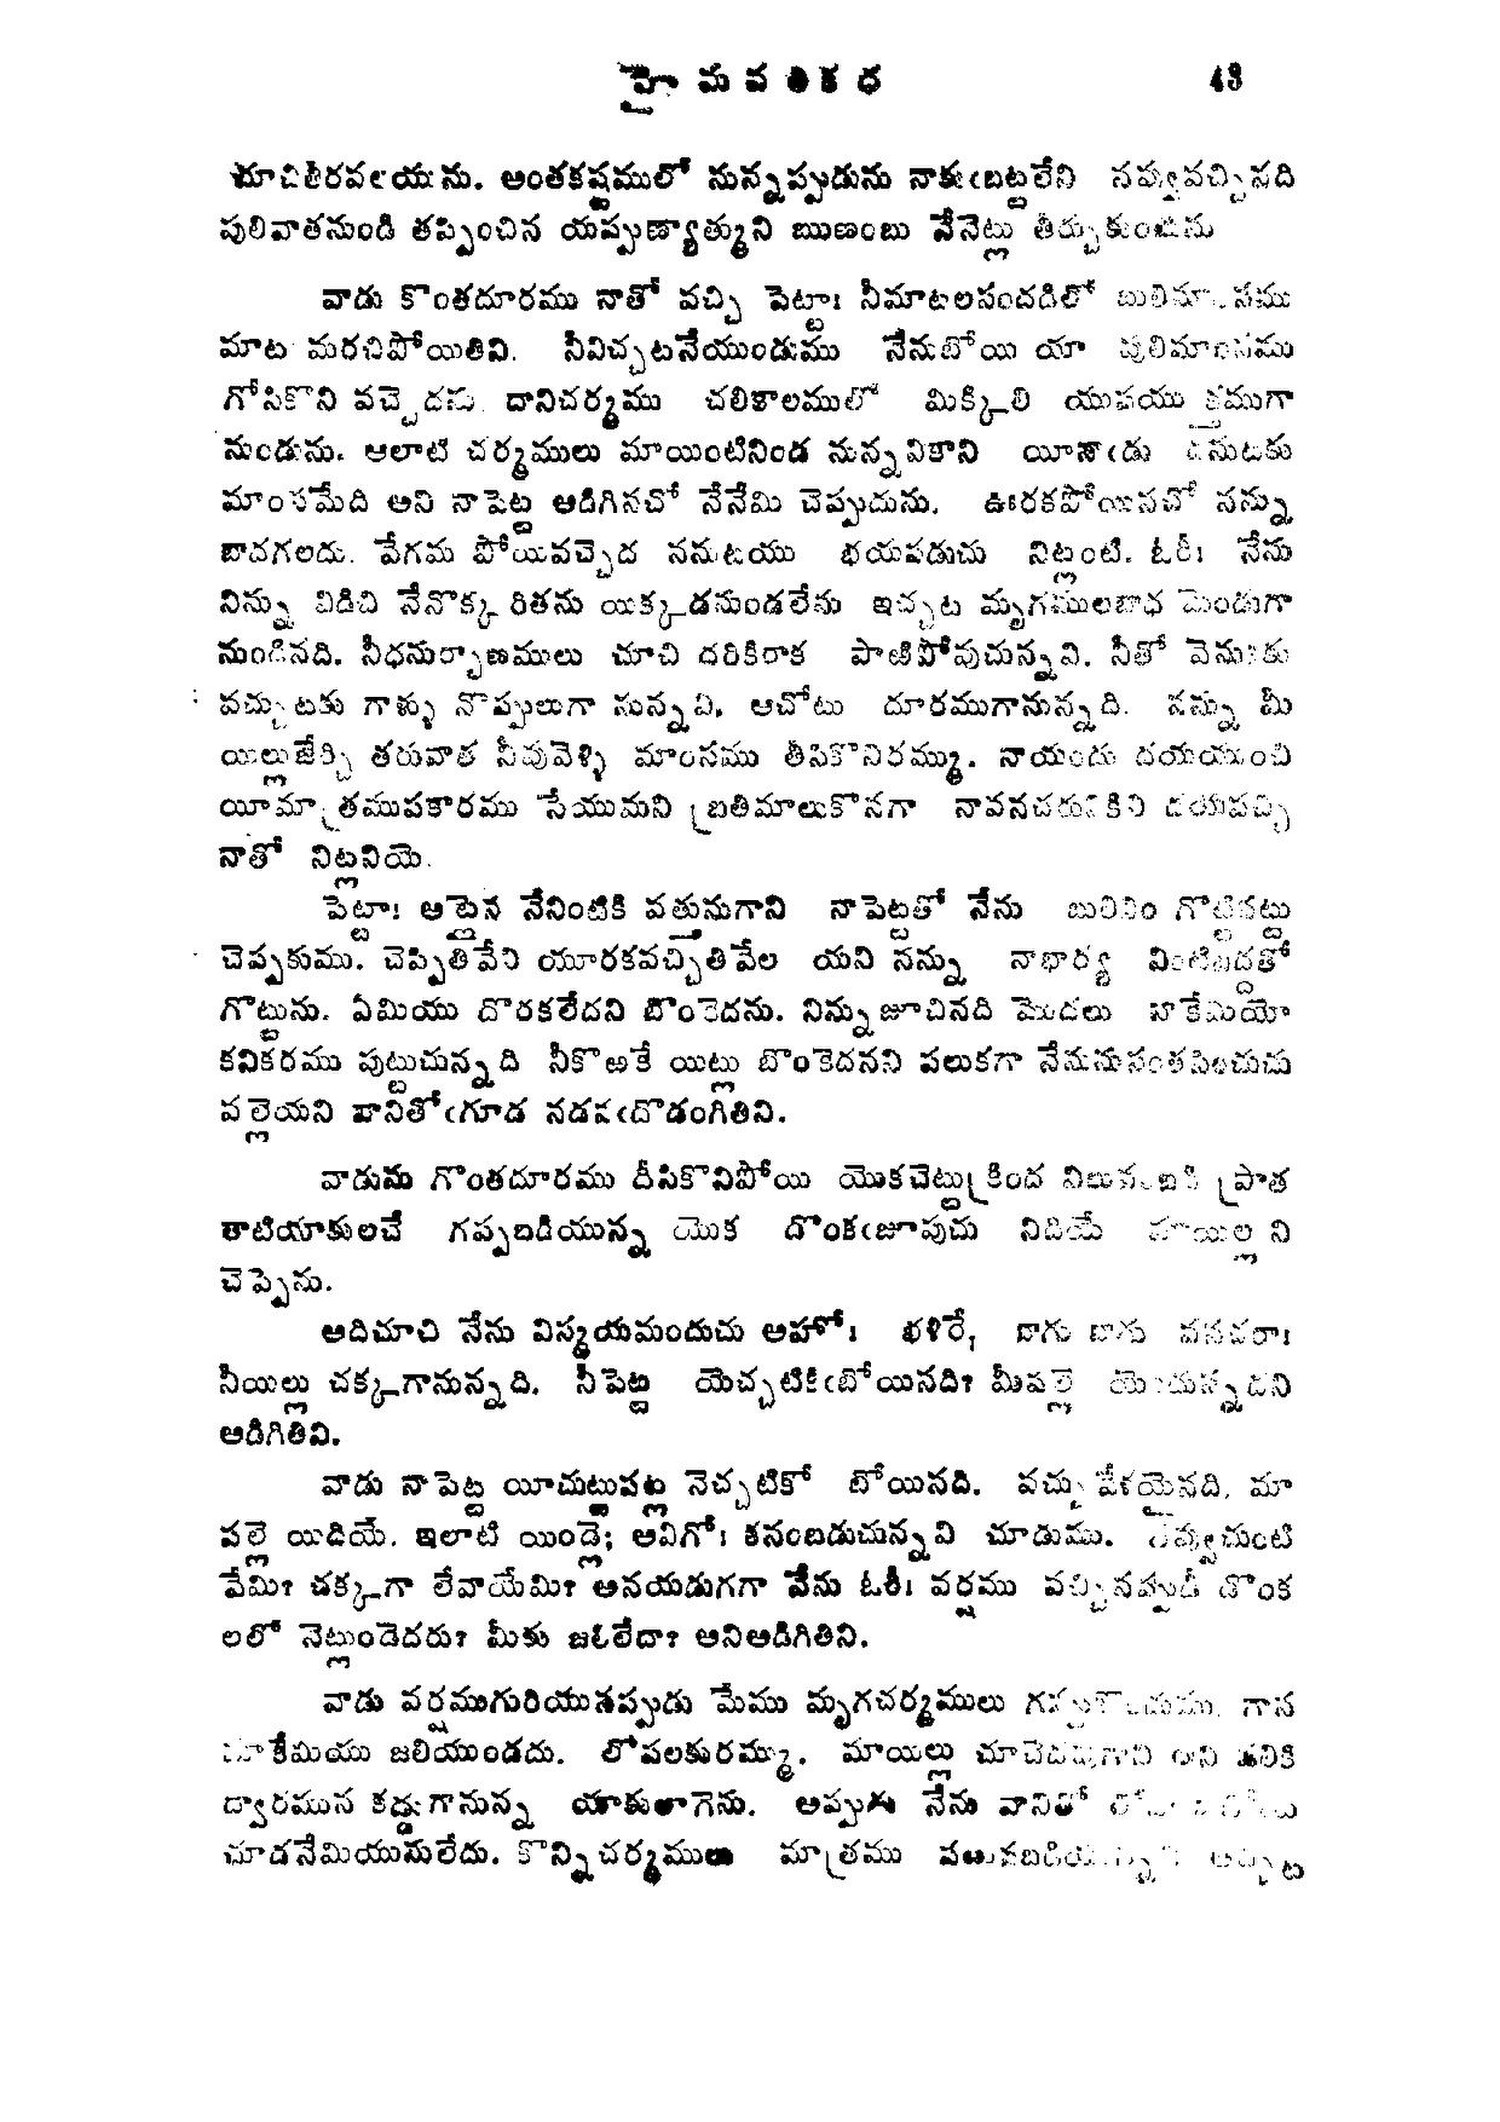చూచితీరవలయును. అంతకష్టములో నున్నప్పుడును నాకుఁబట్టలేని నవ్వువచ్చినది పులివాతనుండి తప్పించిన యప్పుణ్యాత్ముని ఋణంబు నేనెట్లు తీర్చుకుంటును.

వాడు కొంతదూరము నాతో వచ్చి పెట్టా! నీమాటలసందడిలో బులిమాంసము మాట మరచిపోయితివి. నీవిచ్చటనేయుండుము నేనుబోయి యా పులిమాంసము గోసికొని వచ్చెదను. దానిచర్మము చలికాలములో మిక్కిలి యుపయుక్తముగా నుండును. ఆలాటి చర్మములు మాయింటినిండ నున్నవికాని యీనాఁడు దినుటకు మాంసమేది అని నాపెట్ట అడిగినచో నేనేమి చెప్పుదును. ఊరకపోయినచో నన్ను బాదగలదు. వేగమ పోయివచ్చెద ననుటయు భయపడుచు నిట్లంటి. ఓరీ !నేను నిన్ను విడిచి నేనొక్కరితను యిక్కడనుండలేను ఇచ్చట మృగములబాధ మెండుగా నుండినది. నీధనుర్బాణములు చూచి దరికిరాక పాఱిపోవుచున్నవి. నీతో వెనుకకు వచ్చుటకు గాళ్ళు నొప్పులుగా నున్నవి. ఆచోటు దూరముగానున్నది. నన్ను మీ యిల్లుజేర్చి తరువాత నీవువెళ్ళి మాంసము తీసికొనిరమ్ము. నాయందు దయయుంచి యీమాత్రముపకారము సేయుమని బ్రతిమాలుకొనగా నావనచరునికిని దయవచ్చి నాతో నిట్లనియె.

పెట్టా! అట్లైన నేనింటికి వత్తునుగాని నాపెట్టతో నేను బులినిం గొట్టినట్టు చెప్పకుము. చెప్పితివేని యూరకవచ్చితివేల యని నన్ను నాభార్య వింటిబద్దతో గొట్టును. ఏమియు దొరకలేదని బొంకెదను. నిన్ను జూచినది మొదలు నాకేమియో కనికరము పుట్టుచున్నది నీకొఱకే యిట్లు బొంకెదనని పలుకగా నేనును సంతసించుచు వల్లెయని వానితోఁగూడ నడవఁదొడంగితిని.

వాడును గొంతదూరము దీసికొనిపోయి యొకచెట్టుక్రింద నిలువంబడి ప్రాత తాటియాకులచే గప్పబడియున్న యొక డొంకఁజూపుచు నిదియే మాయిల్లని చెప్పెను.

అదిచూచి నేను విస్మయమందుచు అహో! భళిరే, బాగు బాగు వనచరా! నీయిల్లు చక్కగానున్నది. నీ పెట్ట యెచ్చటికిఁబోయినది? మీపల్లె యెందున్నదని అడిగితిని.

వాడు నా పెట్ట యీచుట్టుపట్ల నెచ్చటికో బోయినది. వచ్చు వేళయైనది. మా పల్లె యిదియే. ఇలాటి యిండ్లె; అవిగో! కనంబడుచున్నవి చూడుము. లెవ్వుచుంటి వేమి? చక్కగా లేవాయేమి? అనయడుగగా నేను ఓరీ! వర్షము వచ్చినప్పుడీ డొంకలలో నెట్లుండెదరు? మీకు జలిలేదా? అని అడిగితిని.

వాడు వర్షముగురియునప్పుడు మేము మృగచర్మములు గప్పుకొందుము. గాన మాకేమియు జలియుండదు. లోపలకురమ్ము. మాయిల్లు చూచెదవుగాని అని పలికి ద్వారమున కడ్డుగానున్న యాకులాగెను. అప్పుడు నేను వానితో లోపలికిబోయి చూడనేమియునులేదు. కొన్ని చర్మములు మాత్రము పఱువబడియున్నవి. అచ్చట